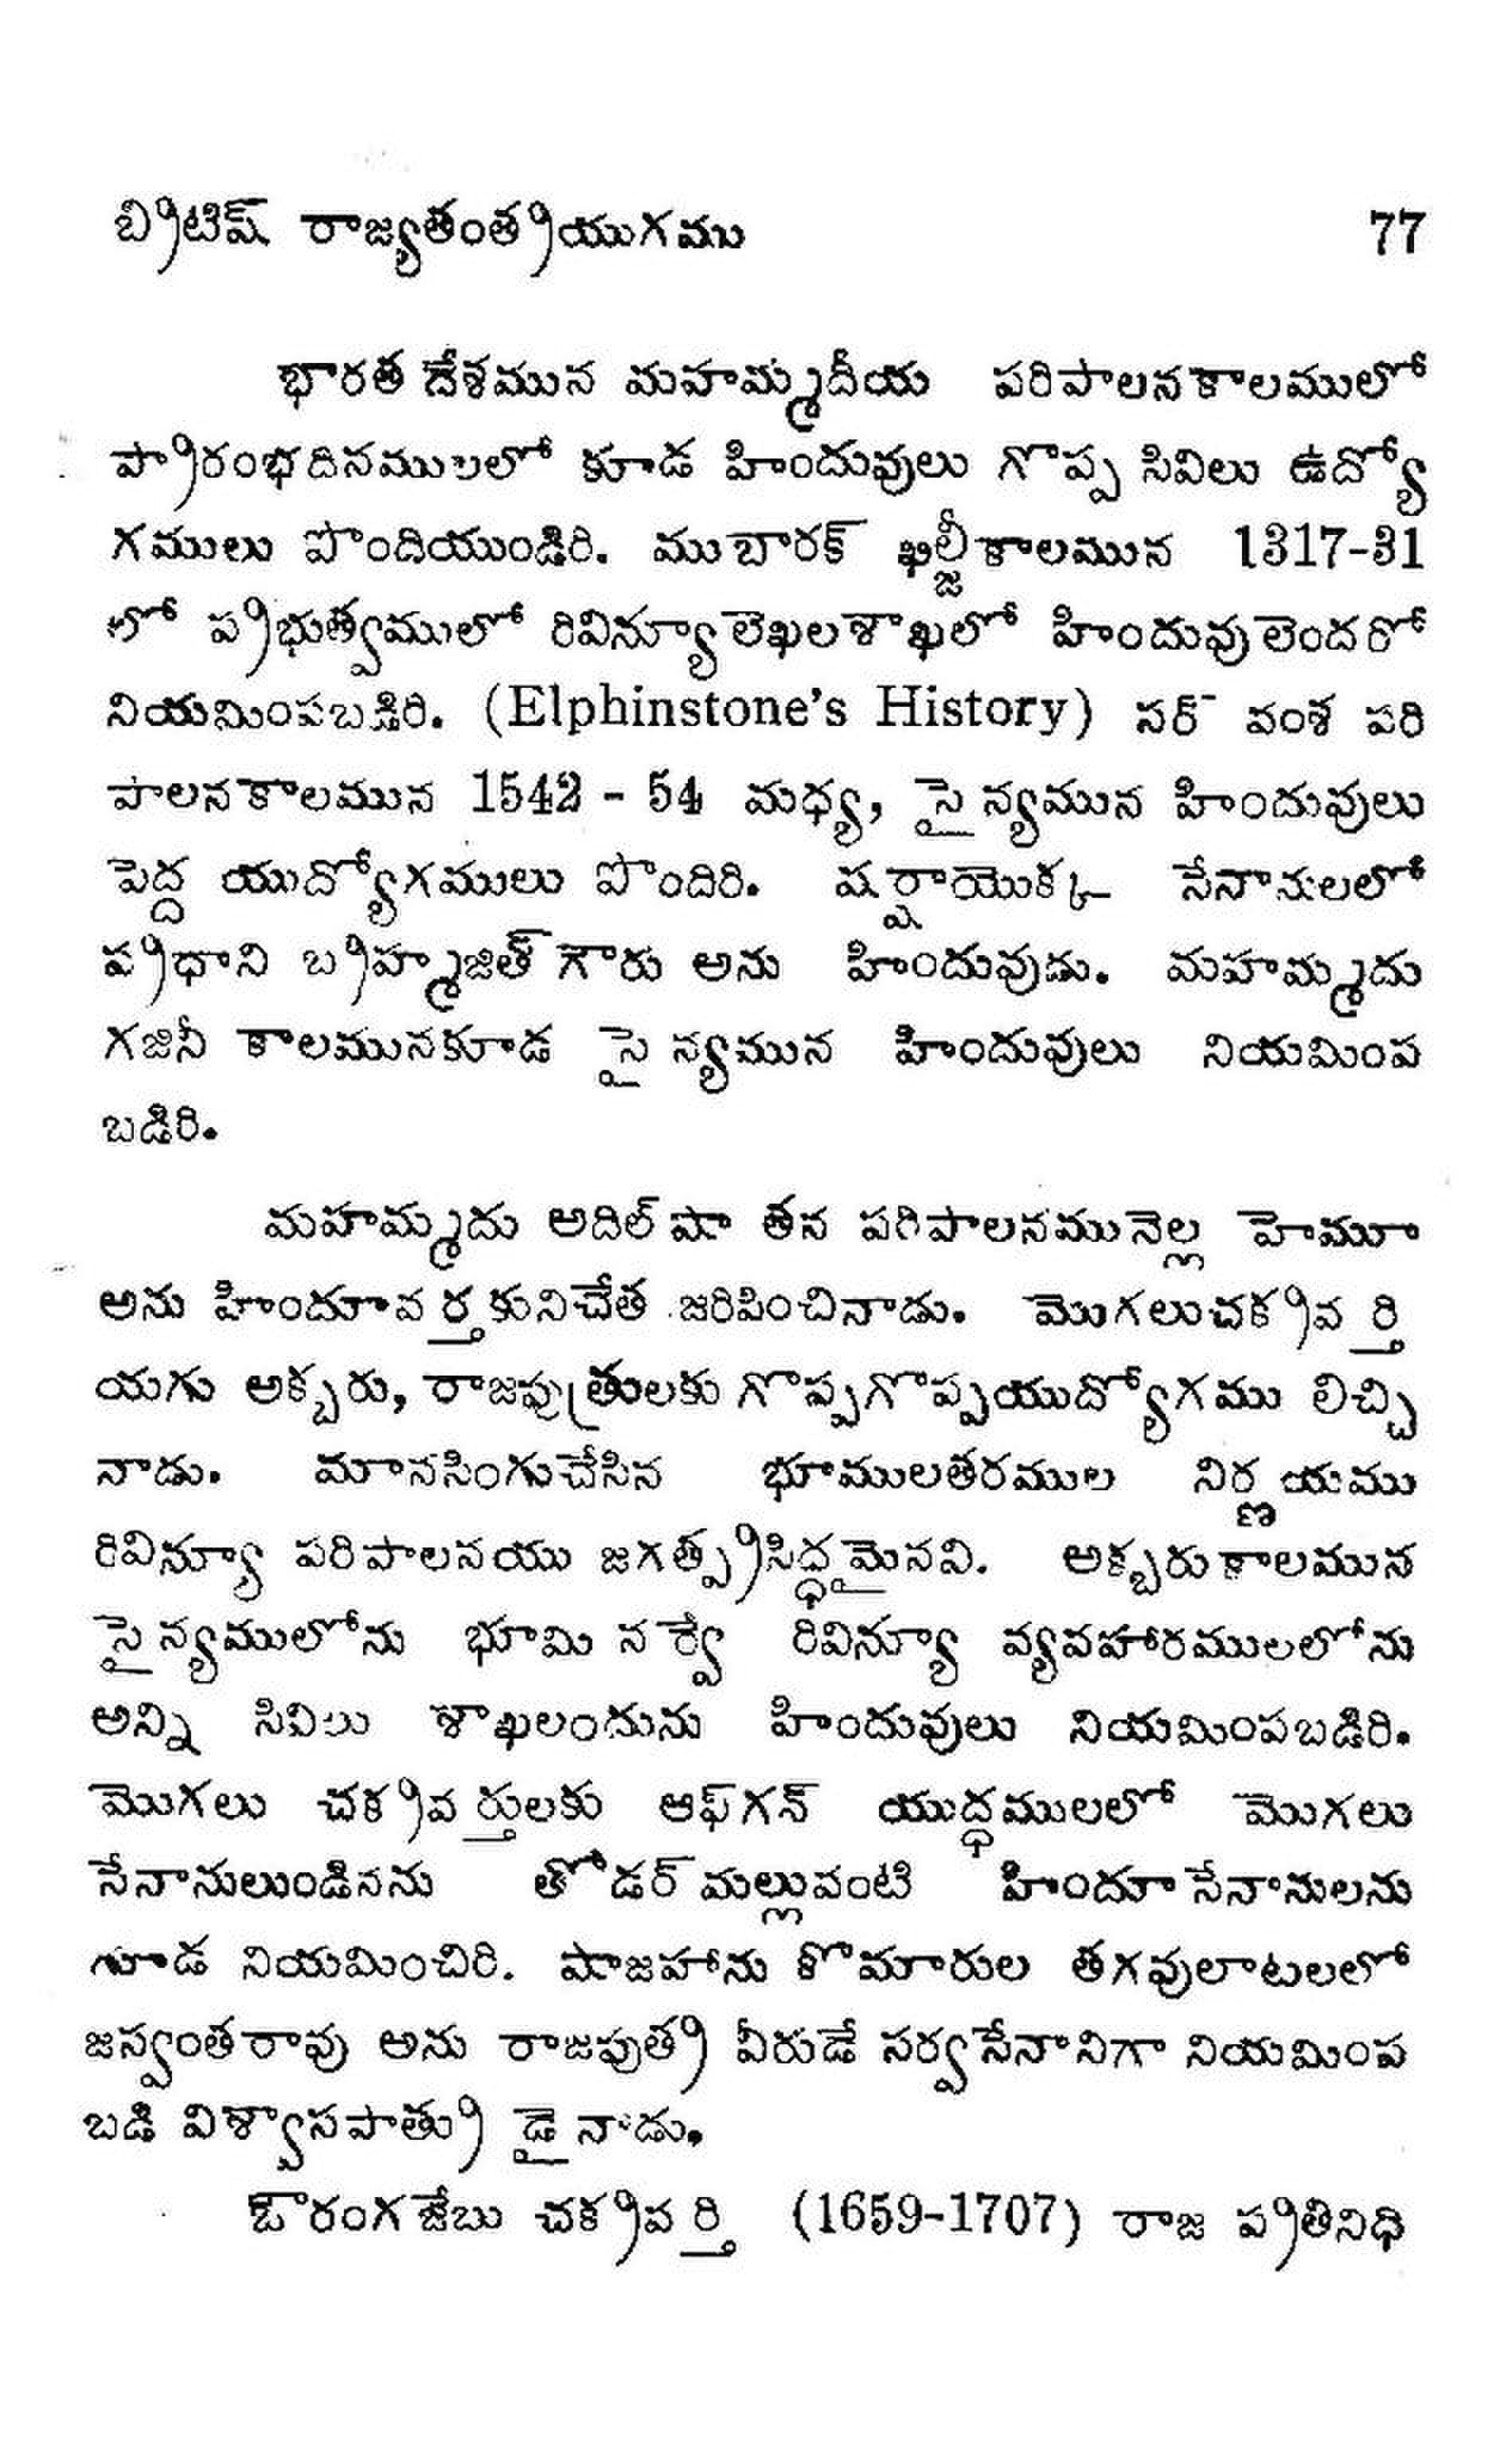భారతదేశమున మహమ్మదీయ పరిపాలన కాలములో ప్రారంభదినములలో కూడ హిందువులు గొప్ప సివిలు ఉద్యోగములు పొందియుండిరి. ముబారక్ ఖిల్జీకాలమున 1317-31 లో ప్రభుత్వములో రివిన్యూలెఖ్ఖలశాఖలో హిందువులెందరో నియమింపబడిరి. (Elphinstone's History) సర్ వంశ పరిపాలనకాలమున 1542 - 54 మధ్య, సైన్యమున హిందువులు పెద్ద యుద్యోగములు పొందిరి. షర్షాయొక్క సేనానులలో ప్రధాని బహ్మజిత్‌గౌరు అను హిందువుడు. మహమ్మదు గజినీ కాలమునకూడ సైన్యమున హిందువులు నియమింపబడిరి.

మహమ్మదు అదిల్‌షా తన పరిపాలనమునెల్ల హెమూ అను హిందూవర్తకునిచేత .జరిపించినాడు. మొగలుచక్రవర్తి యగు అక్బరు, రాజపుత్రులకు గొప్పగొప్పయుద్యోగము లిచ్చినాడు. మానసింగుచేసిన భూములతరముల నిర్ణయము రెవిన్యూ పరిపాలనయు జగత్ప్రసిద్ధమైనవి. అక్బరుకాలమున సైన్యములోను భూమి నర్వే రివిన్యూ వ్యవహారములలోను అన్ని సివిలు శాఖలందును హిందువులు నియమింపబడిరి. మొగలు చక్రవర్తులకు ఆఫ్‌గన్ యుద్ధములలో మొగలు సేనానులుండినను తోడర్‌మల్లువంటి హిందూసేనాసులను గూడ నియమించిరి. పాజహాను కొమారుల తగవులాటలలో జస్వంతరావు అను రాజపుత్ర వీరుడే సర్వసేనానిగా నియమింపబడి విశ్వాసపాత్రుడైనాడు,

ఔరంగజేబు చక్రవర్తి (1659-1707) రాజ ప్రతినిధి